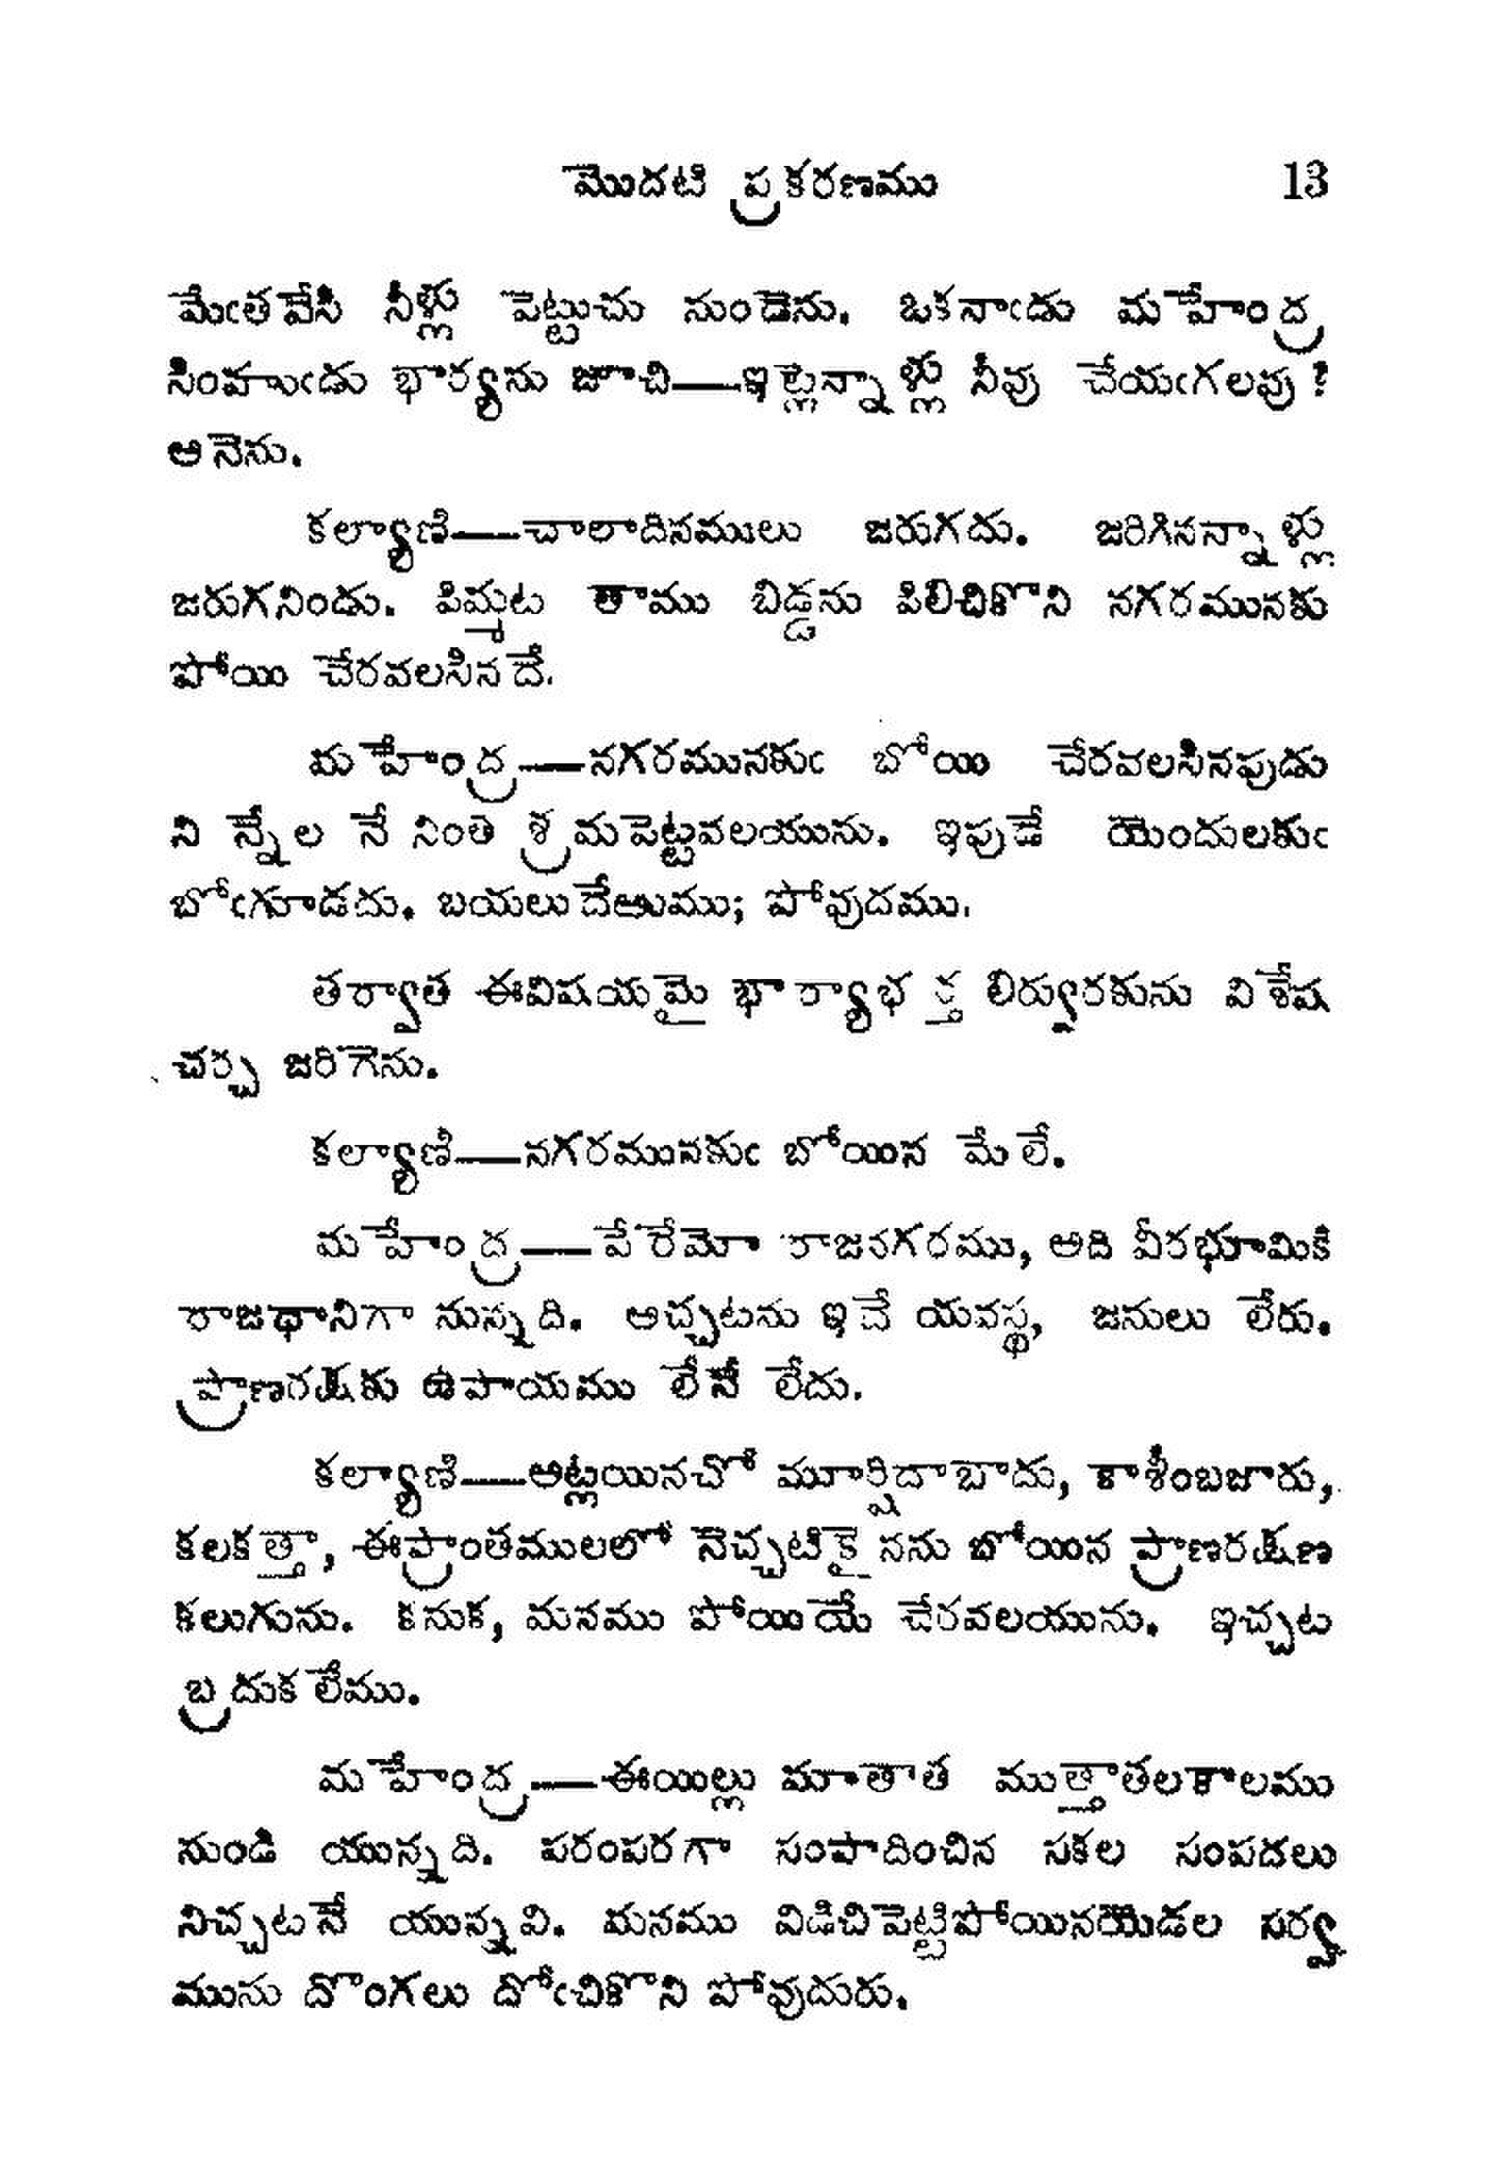మేఁత వేసి నీళ్లు పెట్టుచు నుండెను. ఒకనాడు మహేంద్ర సింహుడు భార్యను జూచి —— ఇట్లేన్నాళ్లు నీవు చేయఁగలవు ? అనెను.

కల్యాణి ——చాలాదినములు జరుగదు. జరిగినన్నాళ్లు జరుగనిండు. పిమ్మట తాము బిడ్డను పిలిచికొని నగరమునకు పోయి చేరవలసినదే.

మహేంద్ర —— నగరమునకుఁ బోయి చేరవలసినపుడు నిన్నేల నే నింత శ్రమ పెట్టవలయును. ఇపుడే యెందులకుఁ బోఁగూడదు, బయలు దేఱుము; పోవుదము.

తర్వాత ఈ విషయమై భార్యాభర్త లిర్వురకును విశేష చర్చ జరిగెను.

కల్యాణి —— నగరమునకుఁ బోయిన మేలే.

మహేంద్ర —— పేరేమో రాజనగరము, అది వీరభూమికి రాజధానిగా నున్నది. అచ్చటను ఇదే యవస్థ, జనులు లేరు. ప్రాణరక్షకు ఉపాయము లేనే లేదు.

కల్యాణి —— అట్లయినచో మూర్షిదాబాదు, కాశీంబజారు, కలకత్తా, ఈ ప్రాంతములలో నెచ్చటికైనను బోయిన ప్రాణరక్షణ కలుగును. కనుక, మనము పోయియే చేరవలయును. ఇచ్చట బ్రదుకలేము.

మహేంద్ర —— ఈయిల్లు మాతాత ముత్తాతల కాలము నుండి యున్నది. పరంపరగా సంపాదించిన సకల సంపదలు నిచ్చటనే యున్నవి. మనము విడిచి పెట్టిపోయినయెడల సర్వమును దొంగలు దోఁచికొని పోవుదురు.